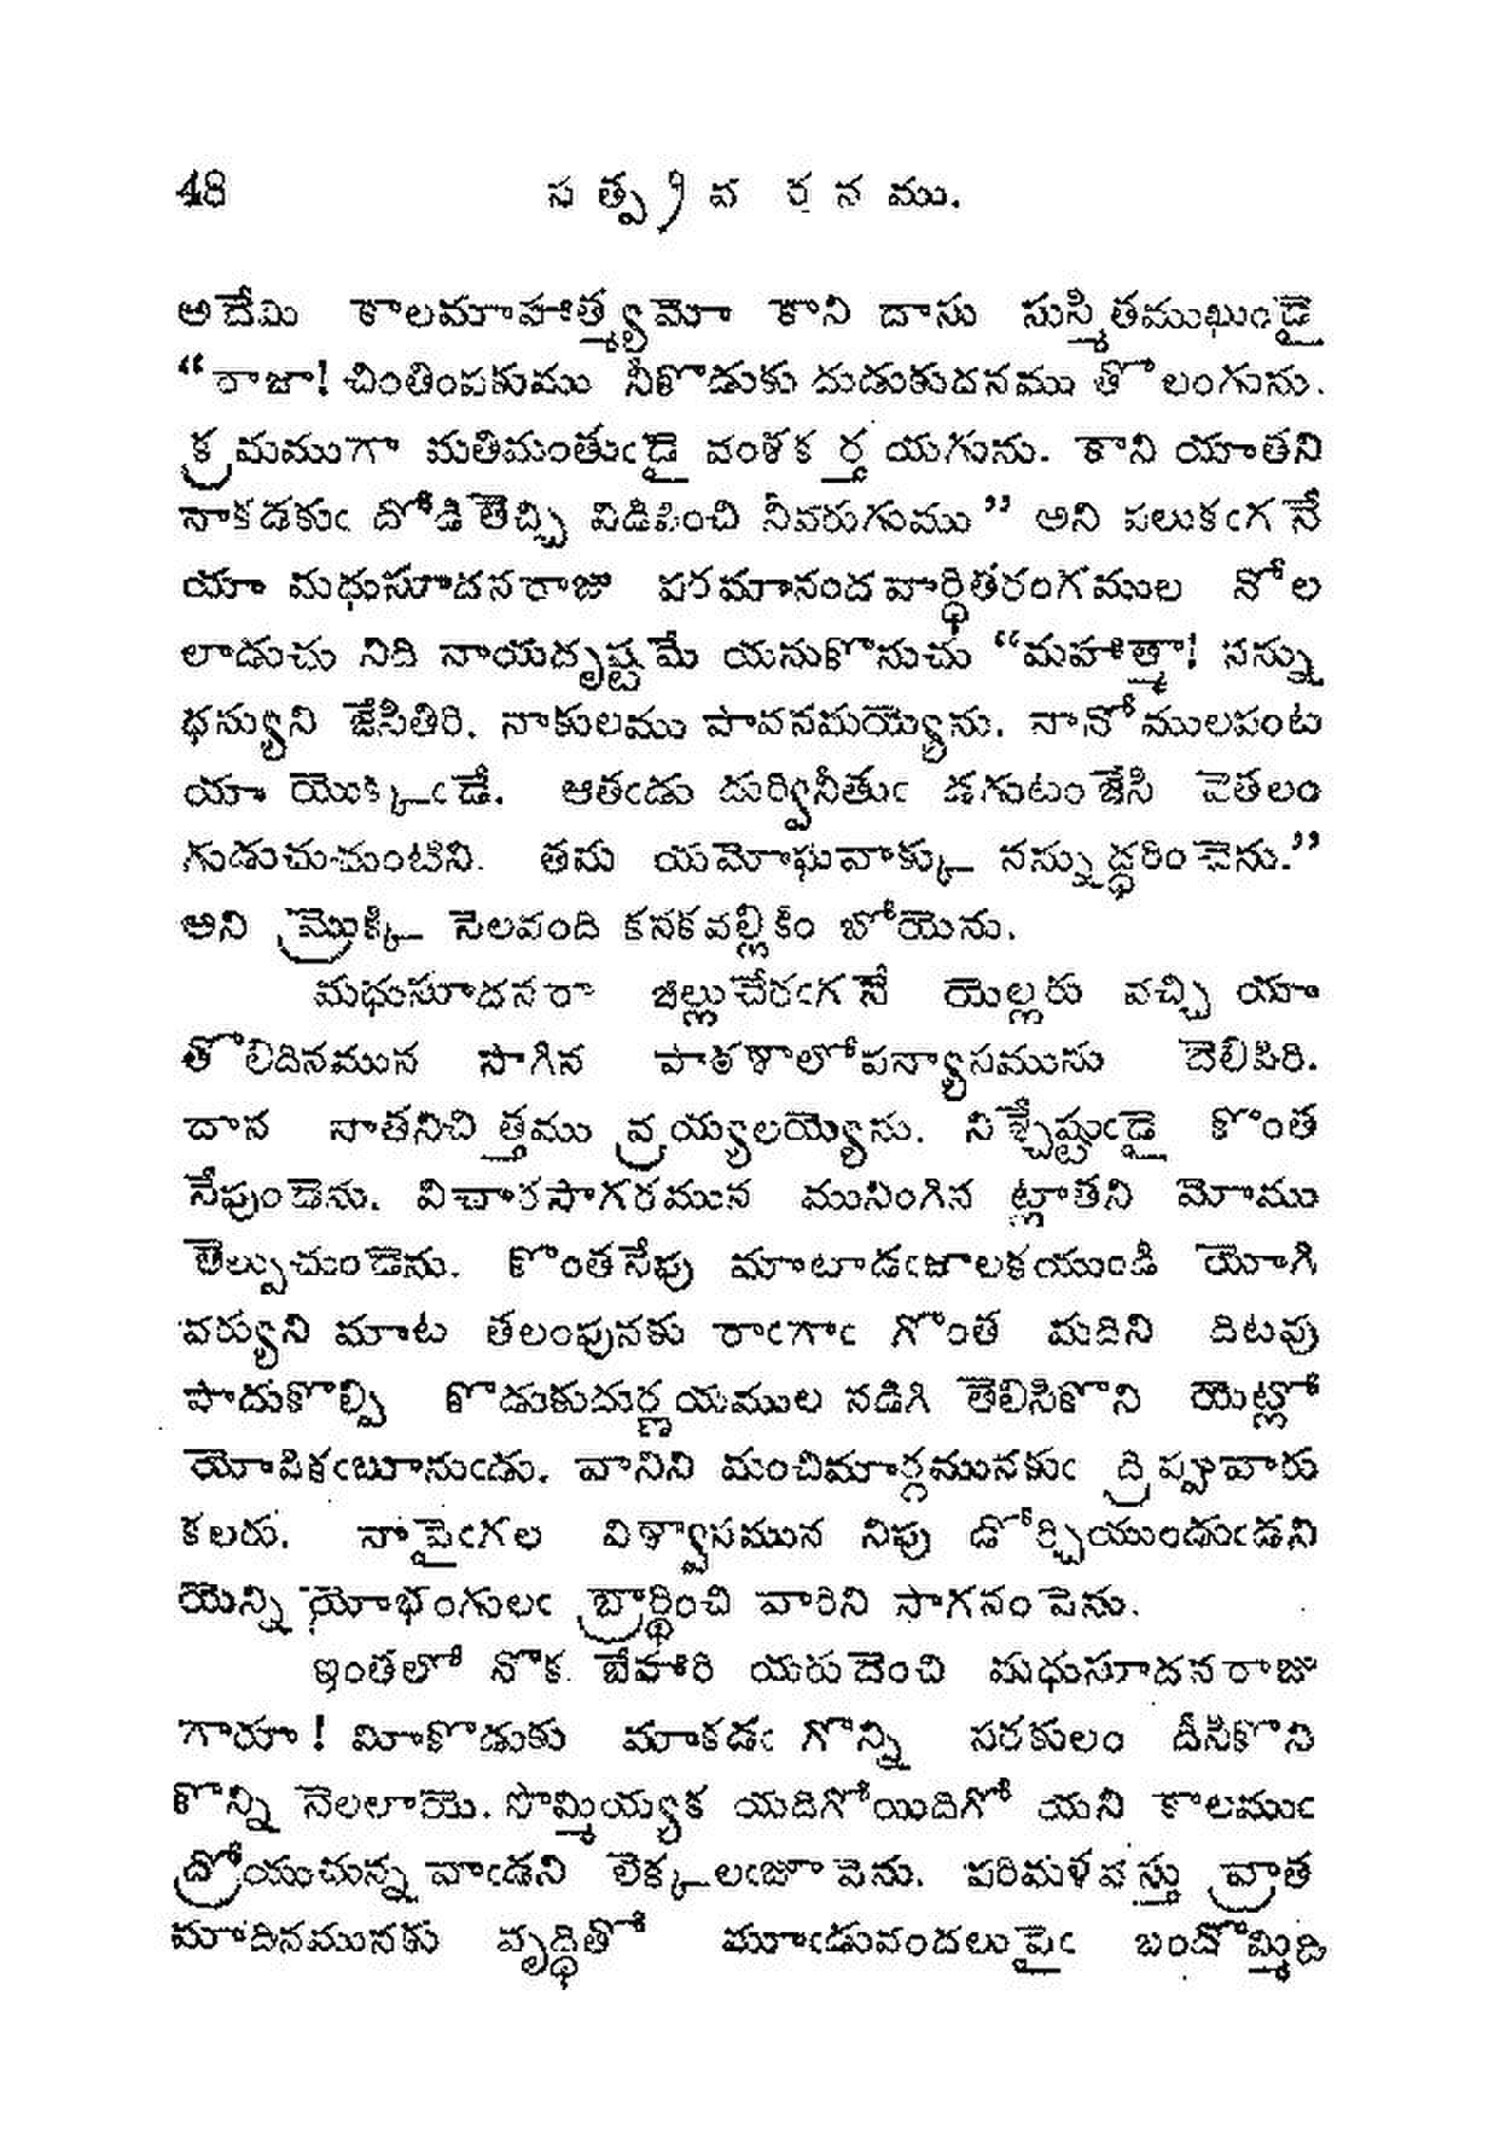అదేమి కాలమాహాత్యమో కానీ దాసు సుస్మితముఖుండై “రాజా! చింతింపకుము నీకొడుకు దుడుకుదనము తొలంగును. క్రమముగా మతిమంతుఁడై వంశకర్తయగును. కాని యాతని నాకడకుఁ దోడి తెచ్చి విడిపించి నీవరుగుము " అని పలుకఁగనే యా మధుసూదనరాజు పరమానంద వార్లితరంగముల నోల లాడుచు నిది నాయదృష్టమే యనుకొనుచు "మహాత్మా! నన్ను ధన్యుని జేపితిరి. నాకులము పావనమయ్యెను. నానోములపంట
యా యొక్క డే. అతఁడు దుర్వినీతుఁడగుటం జేసి వెతలం గుడుచు చుంటిని. తమ యమోఘవాక్కు నన్ను దరించెను.” అని "మొక్కి సెలవంది కనకవల్లీకిం బోయెను.
మధుసూదనరాజిల్లు చేరఁగనే యెల్లరు వచ్చి యా తొలిదినమున సాగిన పాఠశాలోపన్యాసమును దెలిపిరి. దాస నాతనిచిత్తము వ్రయ్యలయ్యెను. నిశ్చేష్టుఁడై కొంత
సేపుండెను. విచారసాగరమున మునింగినట్లాతని మోము తెల్పుచుండెను. కొంత సేపు మాటాడఁజాలక యుండి యోగి 'వర్యుని మాట తలంపునకు రాఁగాఁ గొంత మదిని దీటవు పాదుకొల్పి కొడుకు దుర్లయముల సడిగి తెలిసికొని యెట్లో
యోపికఁబూనుఁడు. వానిని మంచి మార్గమునకుఁ దిప్పువారు కలరు. నా పైఁగల విశ్వాసమున నీపు డోర్చియులడంఁడని యెన్ని యోభంగులం బార్ధించి వారిని సాగనం పెను

,
ఇంతలో నొక. బేహారి యరుదెంచి మధుసూదన రాజు 'గారూ! మీకొడుకు మాకడం గొన్ని సరకులం దీసికొని కొన్ని నెలలాయె. సొమ్మియ్యక యదిగోయిదిగో యనీ కొలముఁ
ద్రోయుచున్న వాఁడని లెక్కలఁజూపెను. 'పరిమళ వస్తు వ్రాత మదినమునకు వృద్ధితో మూఁడువందలు పైఁ బందొమ్మిది